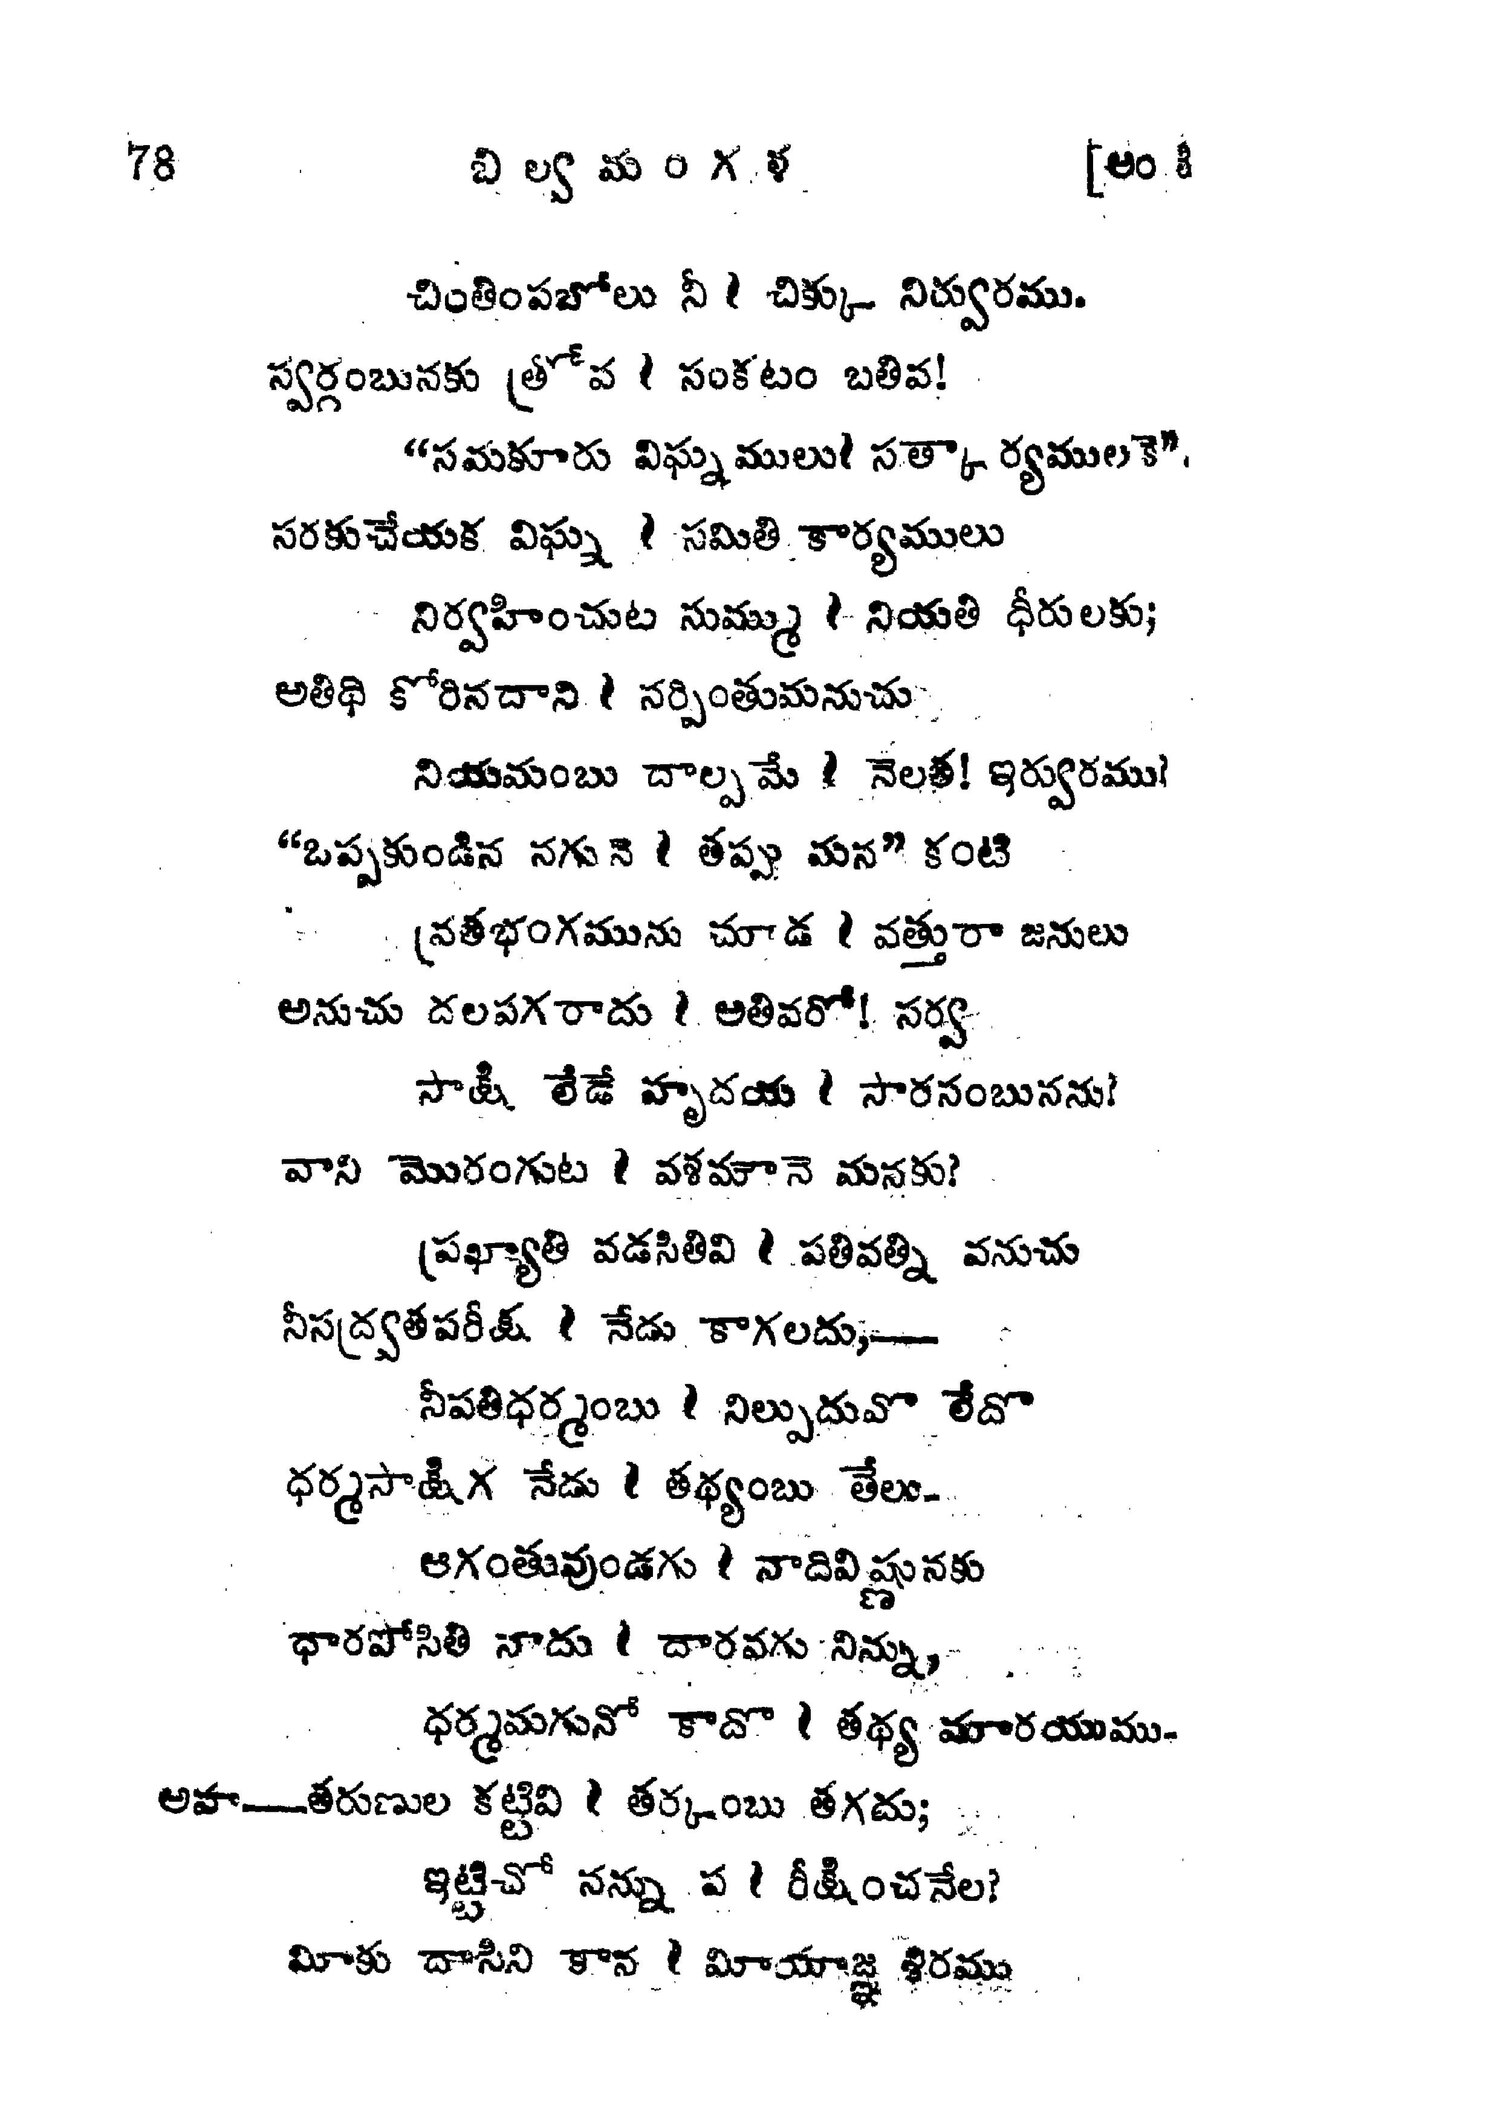చింతింపబోలు నీ ♦ చిక్కు నిర్వురము.
 స్వర్గంబునకు త్రోవ ♦ సంకటం బతివ!
 "సమకూరు విఘ్నములు ♦ సత్కార్యములకె".
 సరకుచేయక విఘ్న ♦ సమితి కార్యములు
 నిర్వహించుట సుమ్ము ♦ నియతి ధీరులకు;
 అతిథి కోరినదాని ♦ నర్పింతుమనుచు
 నియమంబు దాల్పమే ♦ నెలత! ఇర్వురము?
 "ఒప్పకుండిన నగునె ♦ తప్పు మన" కంటి
 వ్రతభంగమును చూడ ♦ వత్తురా జనులు
 అనుచు దలపగరాదు ♦ అతివరో! సర్వ
 సాక్షి లేడే హృదయ ♦ సారసంబునను?
 వాని మొరంగుట ♦ వశమౌనె మనకు?
 ప్రఖ్యాతి వడసితివి ♦ పతిపత్ని వనుచు
 నీసద్ర్వతపరీక్ష ♦ నేడు కాగలదు,-
 నీపతిధర్మంబు ♦ నిల్పుదువొ లేదొ
 ధర్మసాక్షిగ నేడు ♦ తథ్యంబు తేలు.
 ఆగంతువుండగు ♦ నాదివిష్ణునకు
 ధారపోసితి నాదు ♦ దారవగు నిన్ను,
 ధర్మమగునో కాదొ ♦ తథ్య మారయుము.
 అహ - తరుణుల కట్టివి ♦ తర్కంబు తగదు;
 ఇట్టిచో నన్ను ప ♦ రీక్షించనేల?
 మీకు దాసిని కాన ♦ మీయాజ్ఞ శిరము